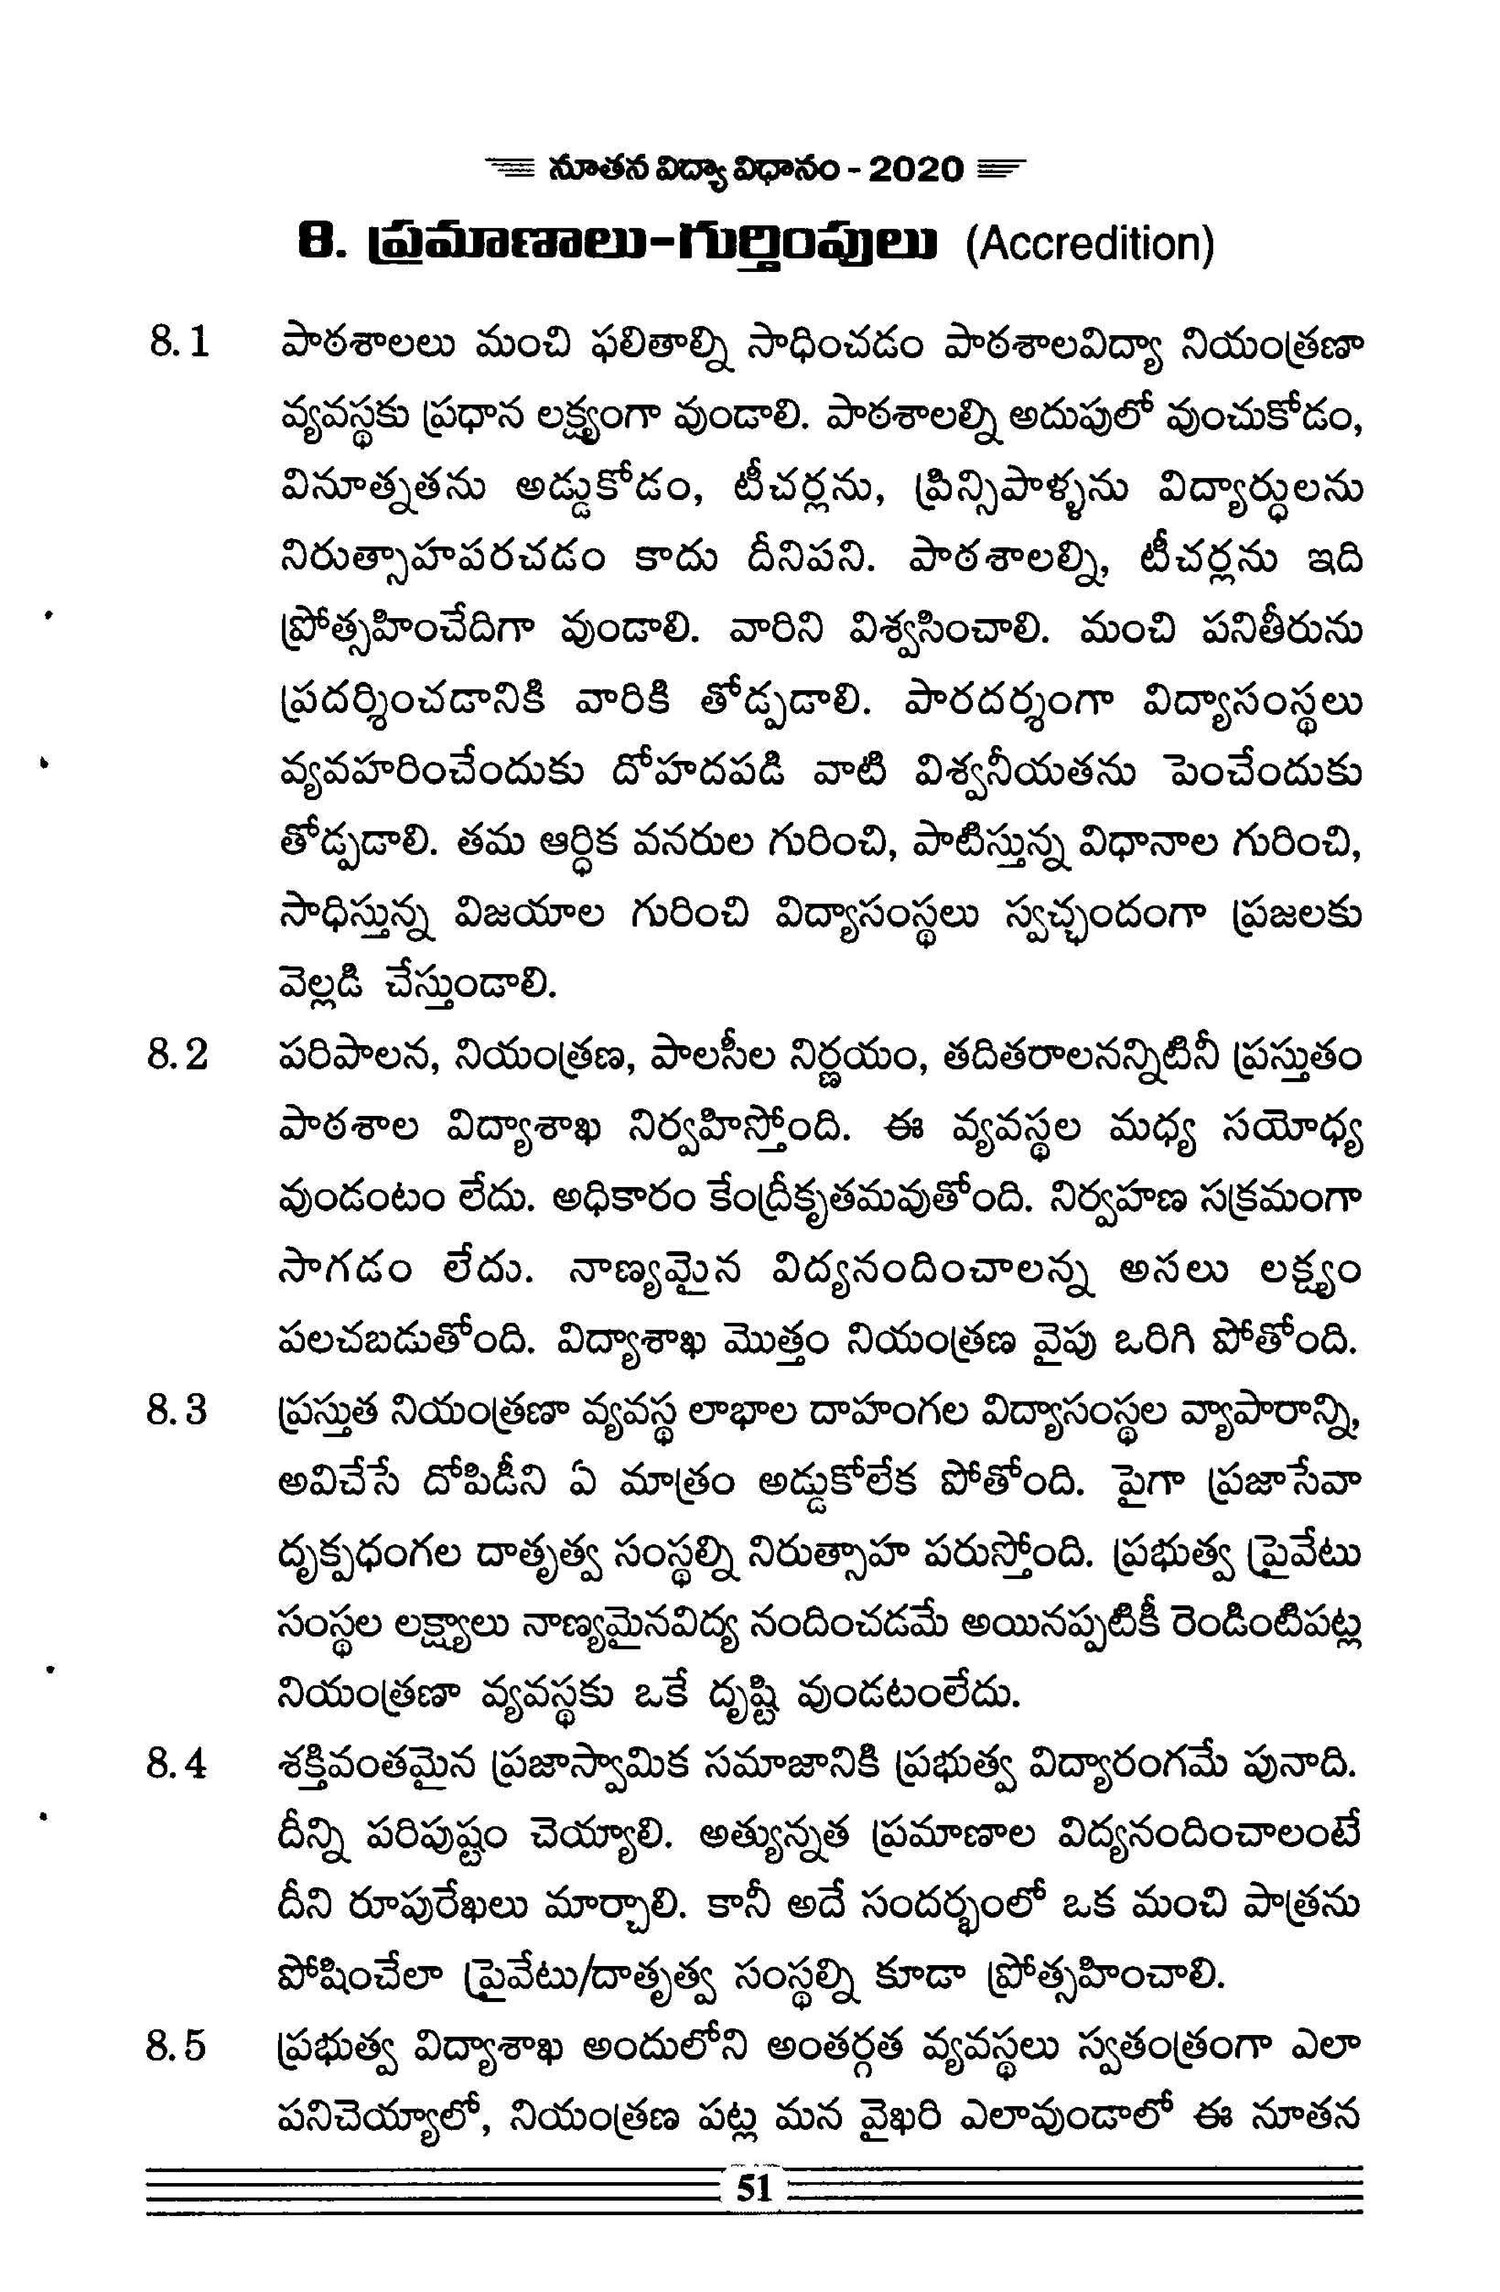8. ప్రమాణాలు-గుర్తింపులు (Accreditation)

8.1 పాఠశాలలు మంచి ఫలితాలను సాధించడం పాఠశాల విద్య నియంత్రణ వ్యవస్థకు ప్రధాన లక్ష్యంగా ఉండాలి. పాఠశాలలను అదుపులో ఉంచడం, వినూత్నతను అడ్డుకోవడం, టీచర్లను, ప్రిన్సిపాళ్లను, విద్యార్థులను నిరుత్సాహపరచడం కాదు దీని పని. పాఠశాలలను, టీచర్లను ప్రోత్సహించేది ఇది కావాలి. వారిపై విశ్వాసం ఉండాలి. మంచి పనితీరును ప్రదర్శించడానికి వారికి తోడ్పడాలి. పారదర్శకంగా విద్యాసంస్థలు వ్యవహరించేందుకు సహాయం చేసి వాటి విశ్వనీయతను పెంచేందుకు సహకరించాలి. తమ ఆర్థిక వనరుల గురించి, పాటిస్తున్న విధానాల గురించి, సాధిస్తున్న విజయాల గురించి విద్యాసంస్థలు స్వచ్ఛందంగా ప్రజలకు వెల్లడిస్తూ ఉండాలి.

8.2 పరిపాలన, నియంత్రణ, పాలసీల నిర్ణయం తదితర అంశాలను ప్రస్తుతం పాఠశాల విద్యాశాఖ నిర్వహిస్తోంది. ఈ వ్యవస్థల మధ్య సమన్వయం లేదు. అధికారం కేంద్రీకృతమై ఉంది. నిర్వహణ సక్రమంగా జరుగడం లేదు. నాణ్యమైన విద్య అందించాలన్న అసలు లక్ష్యం తగ్గిపోతోంది. విద్యాశాఖ మొత్తం నియంత్రణ వైపు ఒరిగిపోతోంది.

8.3 ప్రస్తుత నియంత్రణ వ్యవస్థ లాభాల దాహంగల విద్యాసంస్థల వ్యాపారాన్ని, అవిచార దోపిడీని అడ్డుకోలేకపోతుంది. పైగా ప్రజాసేవా దృక్పథంతో కూడిన దాతృత్వ సంస్థలను నిరుత్సాహపరుస్తుంది. ప్రభుత్వ, ప్రైవేటు సంస్థల లక్ష్యాలు నాణ్యమైన విద్య అందించడం అయినప్పటికీ, రెండింటిపట్ల నియంత్రణ వ్యవస్థకు ఒకే విధమైన దృష్టి లేదు.

8.4 శక్తివంతమైన ప్రజాస్వామిక సమాజానికి ప్రభుత్వ విద్యారంగమే పునాది. దీన్ని పరిపుష్టి చేయాలి. అత్యున్నత ప్రమాణాల విద్య అందించాలంటే ఈ వ్యవస్థ రూపురేఖలను మార్చాలి. అదే సమయంలో మంచి పాత్ర పోషించేలా ప్రైవేటు/దాతృత్వ సంస్థలను కూడా ప్రోత్సహించాలి.

8.5 ప్రభుత్వ విద్యాశాఖ మరియు అంతర్గత వ్యవస్థలు స్వతంత్రంగా ఎలా పనిచేయాలో, నియంత్రణ పట్ల మన వైఖరి ఎలా ఉండాలో ఈ నూతన...